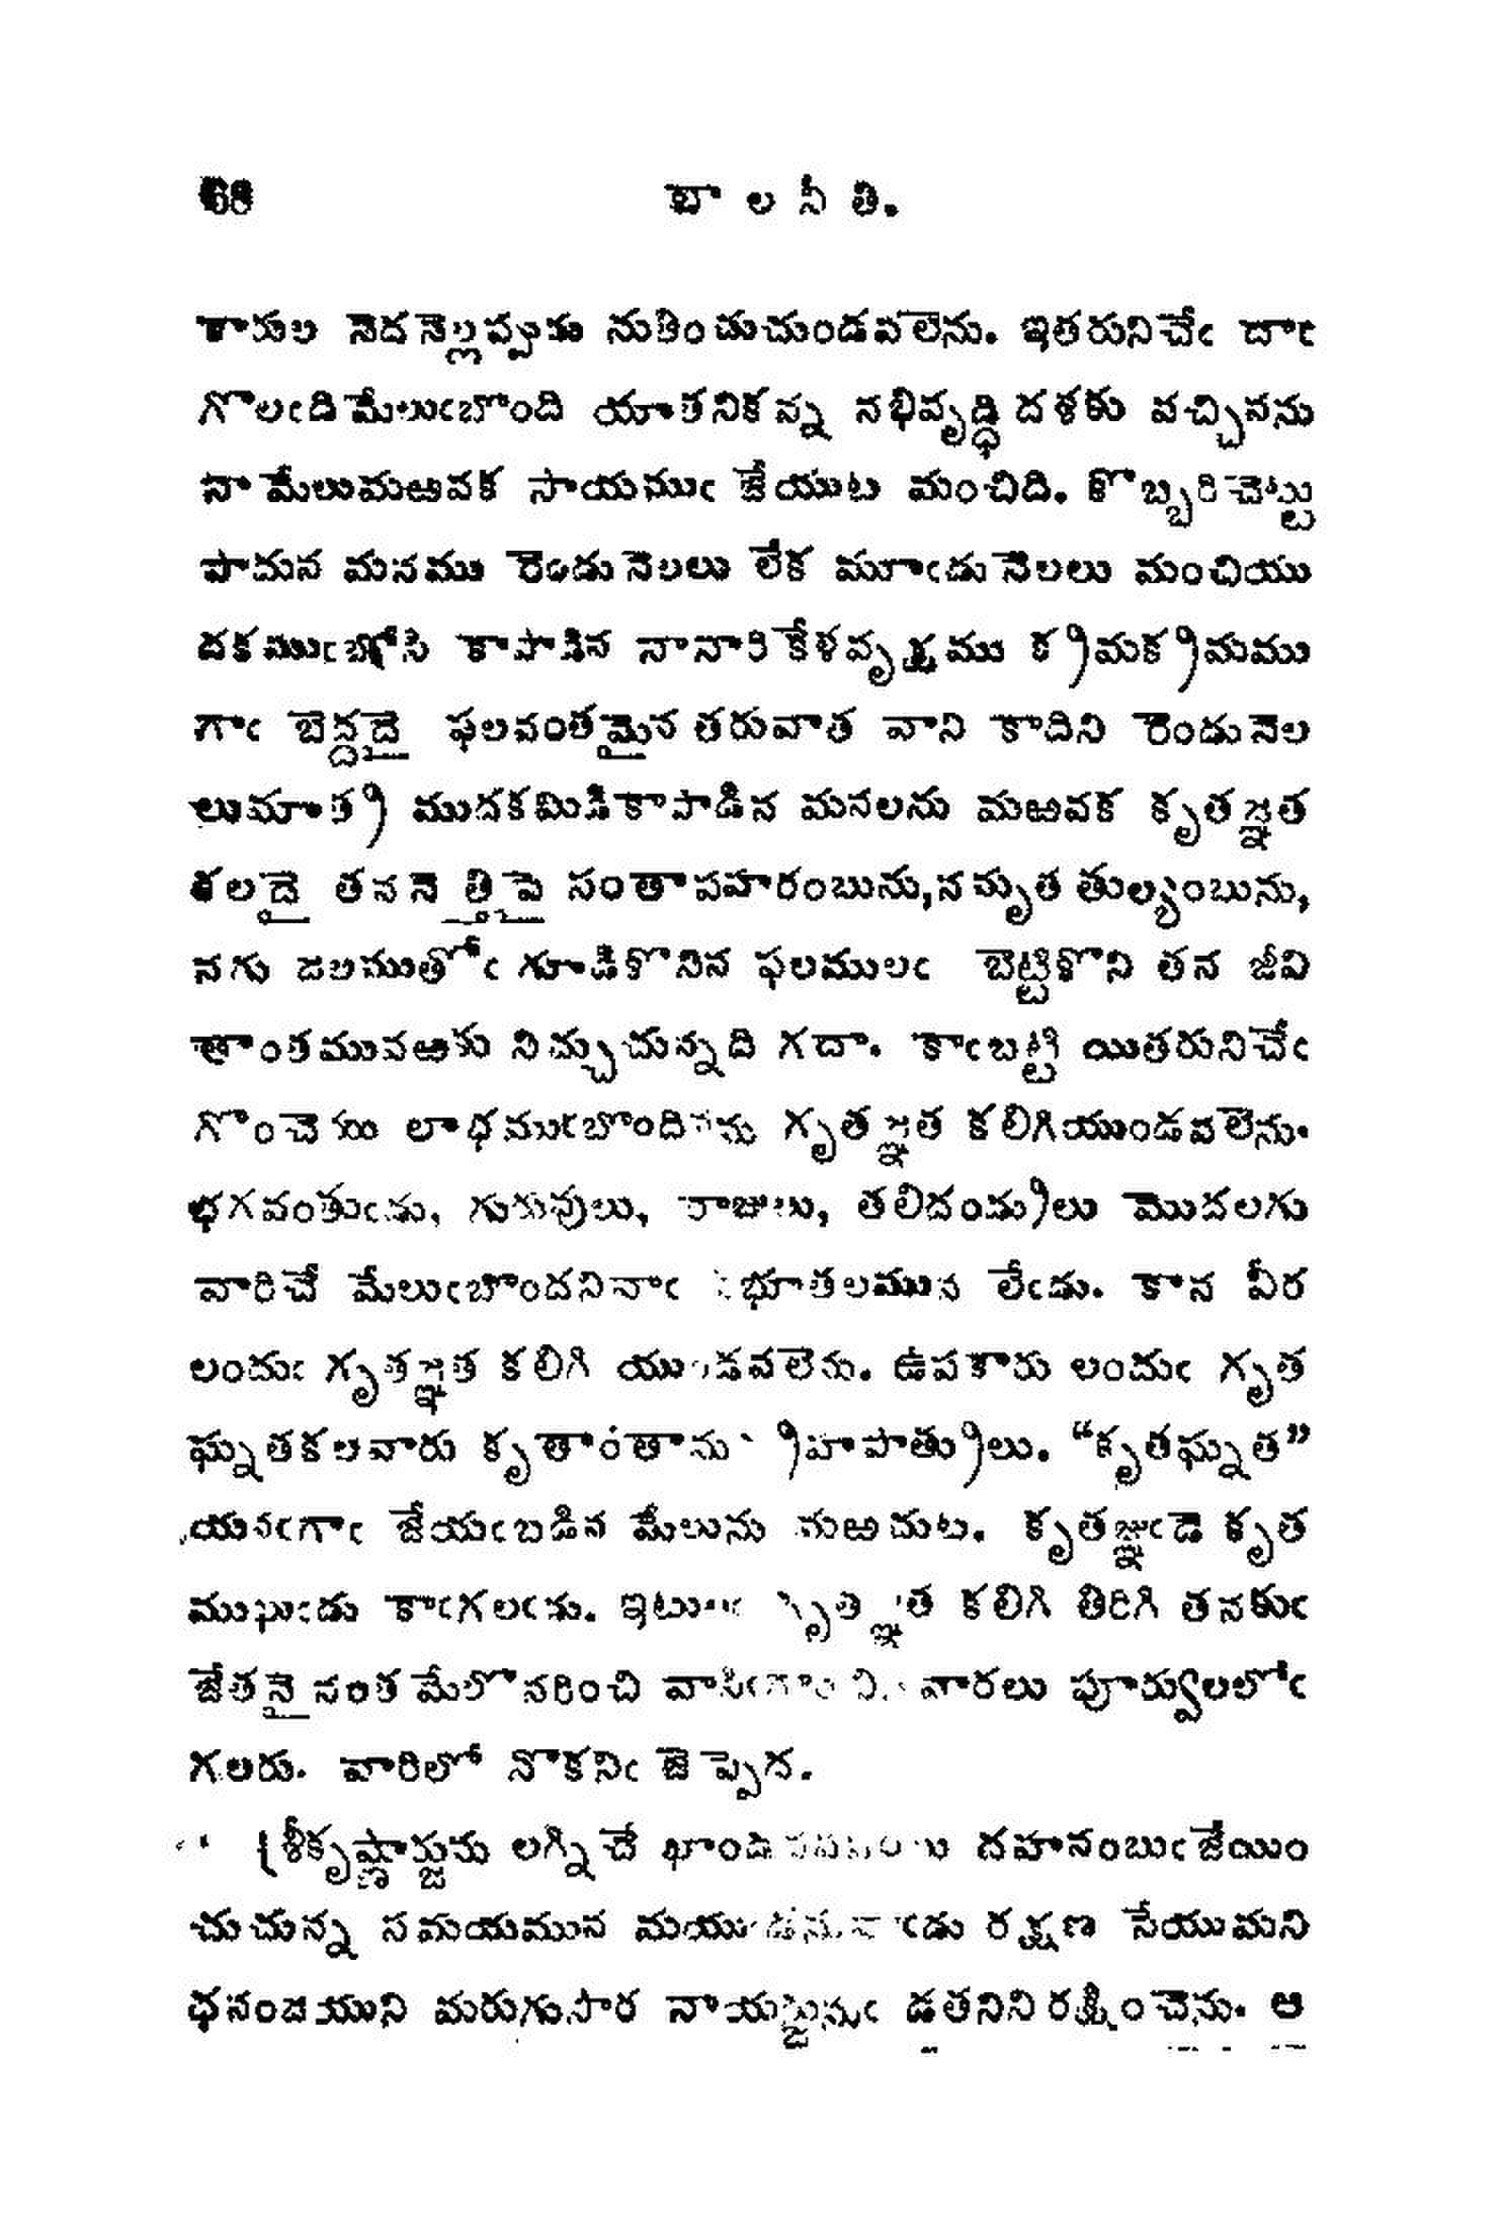కారుల నెదనెల్లప్పుడు నుతించుచుండవలెను. ఇతరునిచేఁ దాఁ 
గొలఁదిమేలుఁబొంది యాతనికన్న నభివృద్ధి దశకు వచ్చినను 
నామేలుమఱవక సాయముఁ జేయుట మంచిది. కొబ్బరిచెట్టు 
పాదున మనము రెండు నెలలు లేక మూఁడునెలలు మంచియు
దకముఁబోసి కాపాడిన నానారికేలవృక్షము క్రమక్రమము
గాఁ బెద్దదై ఫలవంతమైన తరువాత వాని కాదిని రెండునెల
లుమాత్ర ముదకమిడికాపాడిన మనలను మఱవక కృతజ్ఞత
కలదై తననెత్తిపై నంతాపహరంబును, నమృత తుల్యంబును 
నగు జలముతోఁ గూడికొనిన ఫలములఁ బెట్టికొని తన జీవి
తాంతమువఱకు నిచ్చుచున్నది గదా. కాఁబట్టి యితరునిచేఁ 
గొంచెము లాభముఁబొందినను గృతజ్ఞత కలిగియుండవలెను. 
భగవంతుఁడు, గురువులు, రాజులు, తలిదండ్రులు మొదలగు 
వారిచే మేలుఁబొందనివాఁ డీభూతలమున లేఁడు. కాన వీర
లందుఁ గృతజ్ఞత కలిగి యుండవలెను. ఉపకారు లందు గృత
ఘ్నతకలవారు కృతాంతానుగ్రహపాత్రులు. "కృతఘ్నత" 
యనఁగాఁ జేయఁబడిన మేలును మఱచుట. కృతజ్ఞుడె కృత
ముఖుఁడు కాఁగలఁడు. ఇటులఁ గృతజ్ఞత కలిగి తిరిగి తనకుఁ 
జేతనైనంత మేలొనరించి వాసిఁగాంచి వారలు పూర్వులలోఁ 
గలరు. వారిలో నొకనిఁ జెప్పెద.

శ్రీకృష్ణార్జును లగ్నిచే ఖాండవవనంబు దహనంబుఁజేయిం 
చుచున్న సమయమున మయుఁడనువాఁడు రక్షణ సేయుమని 
ధనంజయుని మరుగుసార నాయర్జునుఁ డతనిని రక్షించెను. ఆ